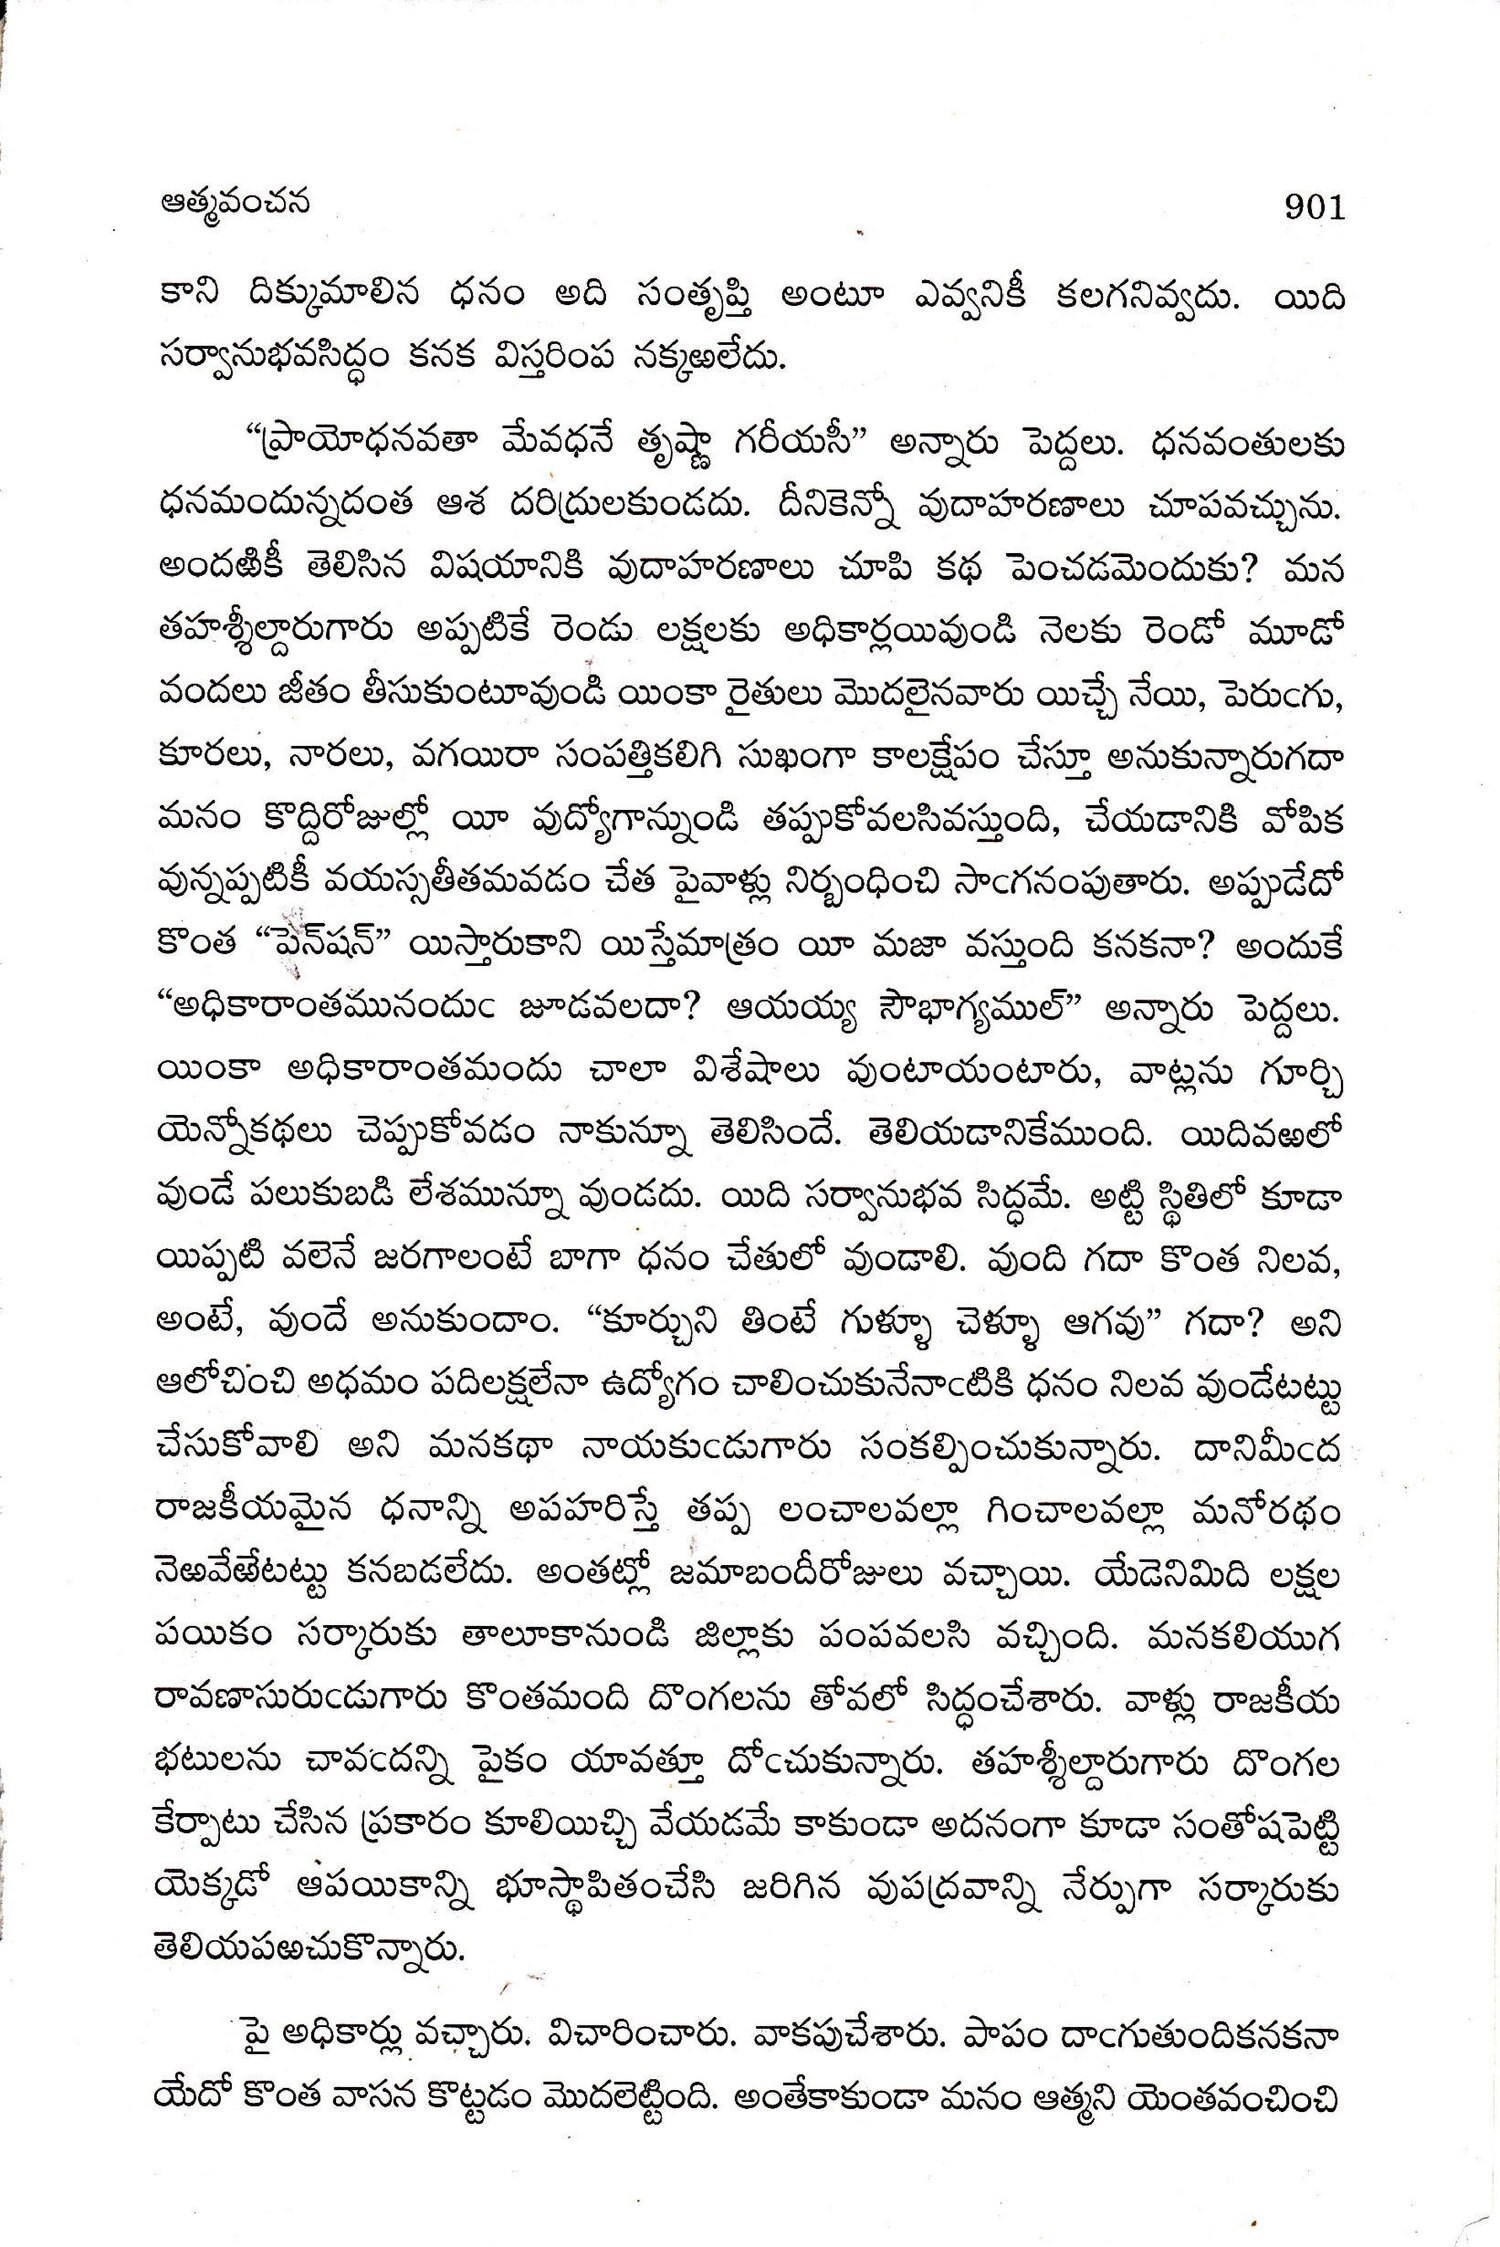కాని దిక్కుమాలిన ధనం అది సంతృప్తి అంటూ ఎవ్వనికీ కలగనివ్వదు. యిది సర్వానుభవసిద్ధం కనక విస్తరింప నక్కఱలేదు.

“ప్రాయోధనవతా మేవధనే తృష్ణా గరీయసీ" అన్నారు పెద్దలు. ధనవంతులకు ధనమందున్నదంత ఆశ దరిద్రులకుండదు. దీనికెన్నో వుదాహరణాలు చూపవచ్చును. అందఱికీ తెలిసిన విషయానికి వుదాహరణాలు చూపి కథ పెంచడమెందుకు? మన తహశ్శీల్దాగారుగారు అప్పటికే రెండు లక్షలకు అధికార్లయివుండి నెలకు రెండో మూడో వందలు జీతం తీసుకుంటూవుండి యింకా రైతులు మొదలైనవారు యిచ్చే నేయి, పెరుఁగు, కూరలు, నారలు, వగయిరా సంపత్తికలిగి సుఖంగా కాలక్షేపం చేస్తూ అనుకున్నారుగదా మనం కొద్దిరోజుల్లో యీ వుద్యోగాన్నుండి తప్పుకోవలసివస్తుంది, చేయడానికి వోపిక వున్నప్పటికీ వయస్పతీతమవడం చేత పైవాళ్లు నిర్బంధించి సాఁగనంపుతారు. అప్పుడేదో కొంత "పెన్‌షన్" యిస్తారుకాని యిస్తేమాత్రం యీ మజా వస్తుంది కనకనా? అందుకే "అధికారాంతమునందుఁ జూడవలదా? ఆయయ్య సౌభాగ్యముల్" అన్నారు పెద్దలు. యింకా అధికారాంతమందు చాలా విశేషాలు వుంటాయంటారు, వాట్లను గూర్చి యెన్నోకథలు చెప్పుకోవడం నాకున్నూ తెలిసిందే. తెలియడానికేముంది. యిదివఱలో వుండే పలుకుబడి లేశమున్నూ వుండదు. యిది సర్వానుభవ సిద్ధమే. అట్టి స్థితిలో కూడా యిప్పటి వలెనే జరగాలంటే బాగా ధనం చేతులో వుండాలి. వుంది గదా కొంత నిలవ, అంటే, వుందే అనుకుందాం. “కూర్చుని తింటే గుళ్ళూ చెళ్ళూ ఆగవు” గదా? అని ఆలోచించి అధమం పదిలక్షలేనా ఉద్యోగం చాలించుకునేనాcటికి ధనం నిలవ వుండేటట్టు చేసుకోవాలి అని మనకథా నాయకుఁడుగారు సంకల్పించుకున్నారు. దానిమీఁద రాజకీయమైన ధనాన్ని అపహరిస్తే తప్ప లంచాలవల్లా గించాలవల్లా మనోరథం నెఱవేఱేటట్టు కనబడలేదు. అంతట్లో జమాబందీరోజులు వచ్చాయి. యేడెనిమిది లక్షల పయికం సర్కారుకు తాలూకానుండి జిల్లాకు పంపవలసి వచ్చింది. మనకలియుగ రావణాసురుఁడుగారు కొంతమంది దొంగలను తోవలో సిద్ధంచేశారు. వాళ్లు రాజకీయ భటులను చావందన్ని పైకం యావత్తూ దోఁచుకున్నారు. తహశ్శీల్దారుగారు దొంగల కేర్పాటు చేసిన ప్రకారం కూలియిచ్చి వేయడమే కాకుండా అదనంగా కూడా సంతోషపెట్టి యెక్కడో ఆపయికాన్ని భూస్థాపితంచేసి జరిగిన వుపద్రవాన్ని నేర్పుగా సర్కారుకు తెలియపఱచుకొన్నారు. 

పై అధికార్లు వచ్చారు. విచారించారు. వాకపుచేశారు. పాపం దాఁగుతుందికనకనా యేదో కొంత వాసన కొట్టడం మొదలెట్టింది. అంతేకాకుండా మనం ఆత్మని యెంతవంచించి